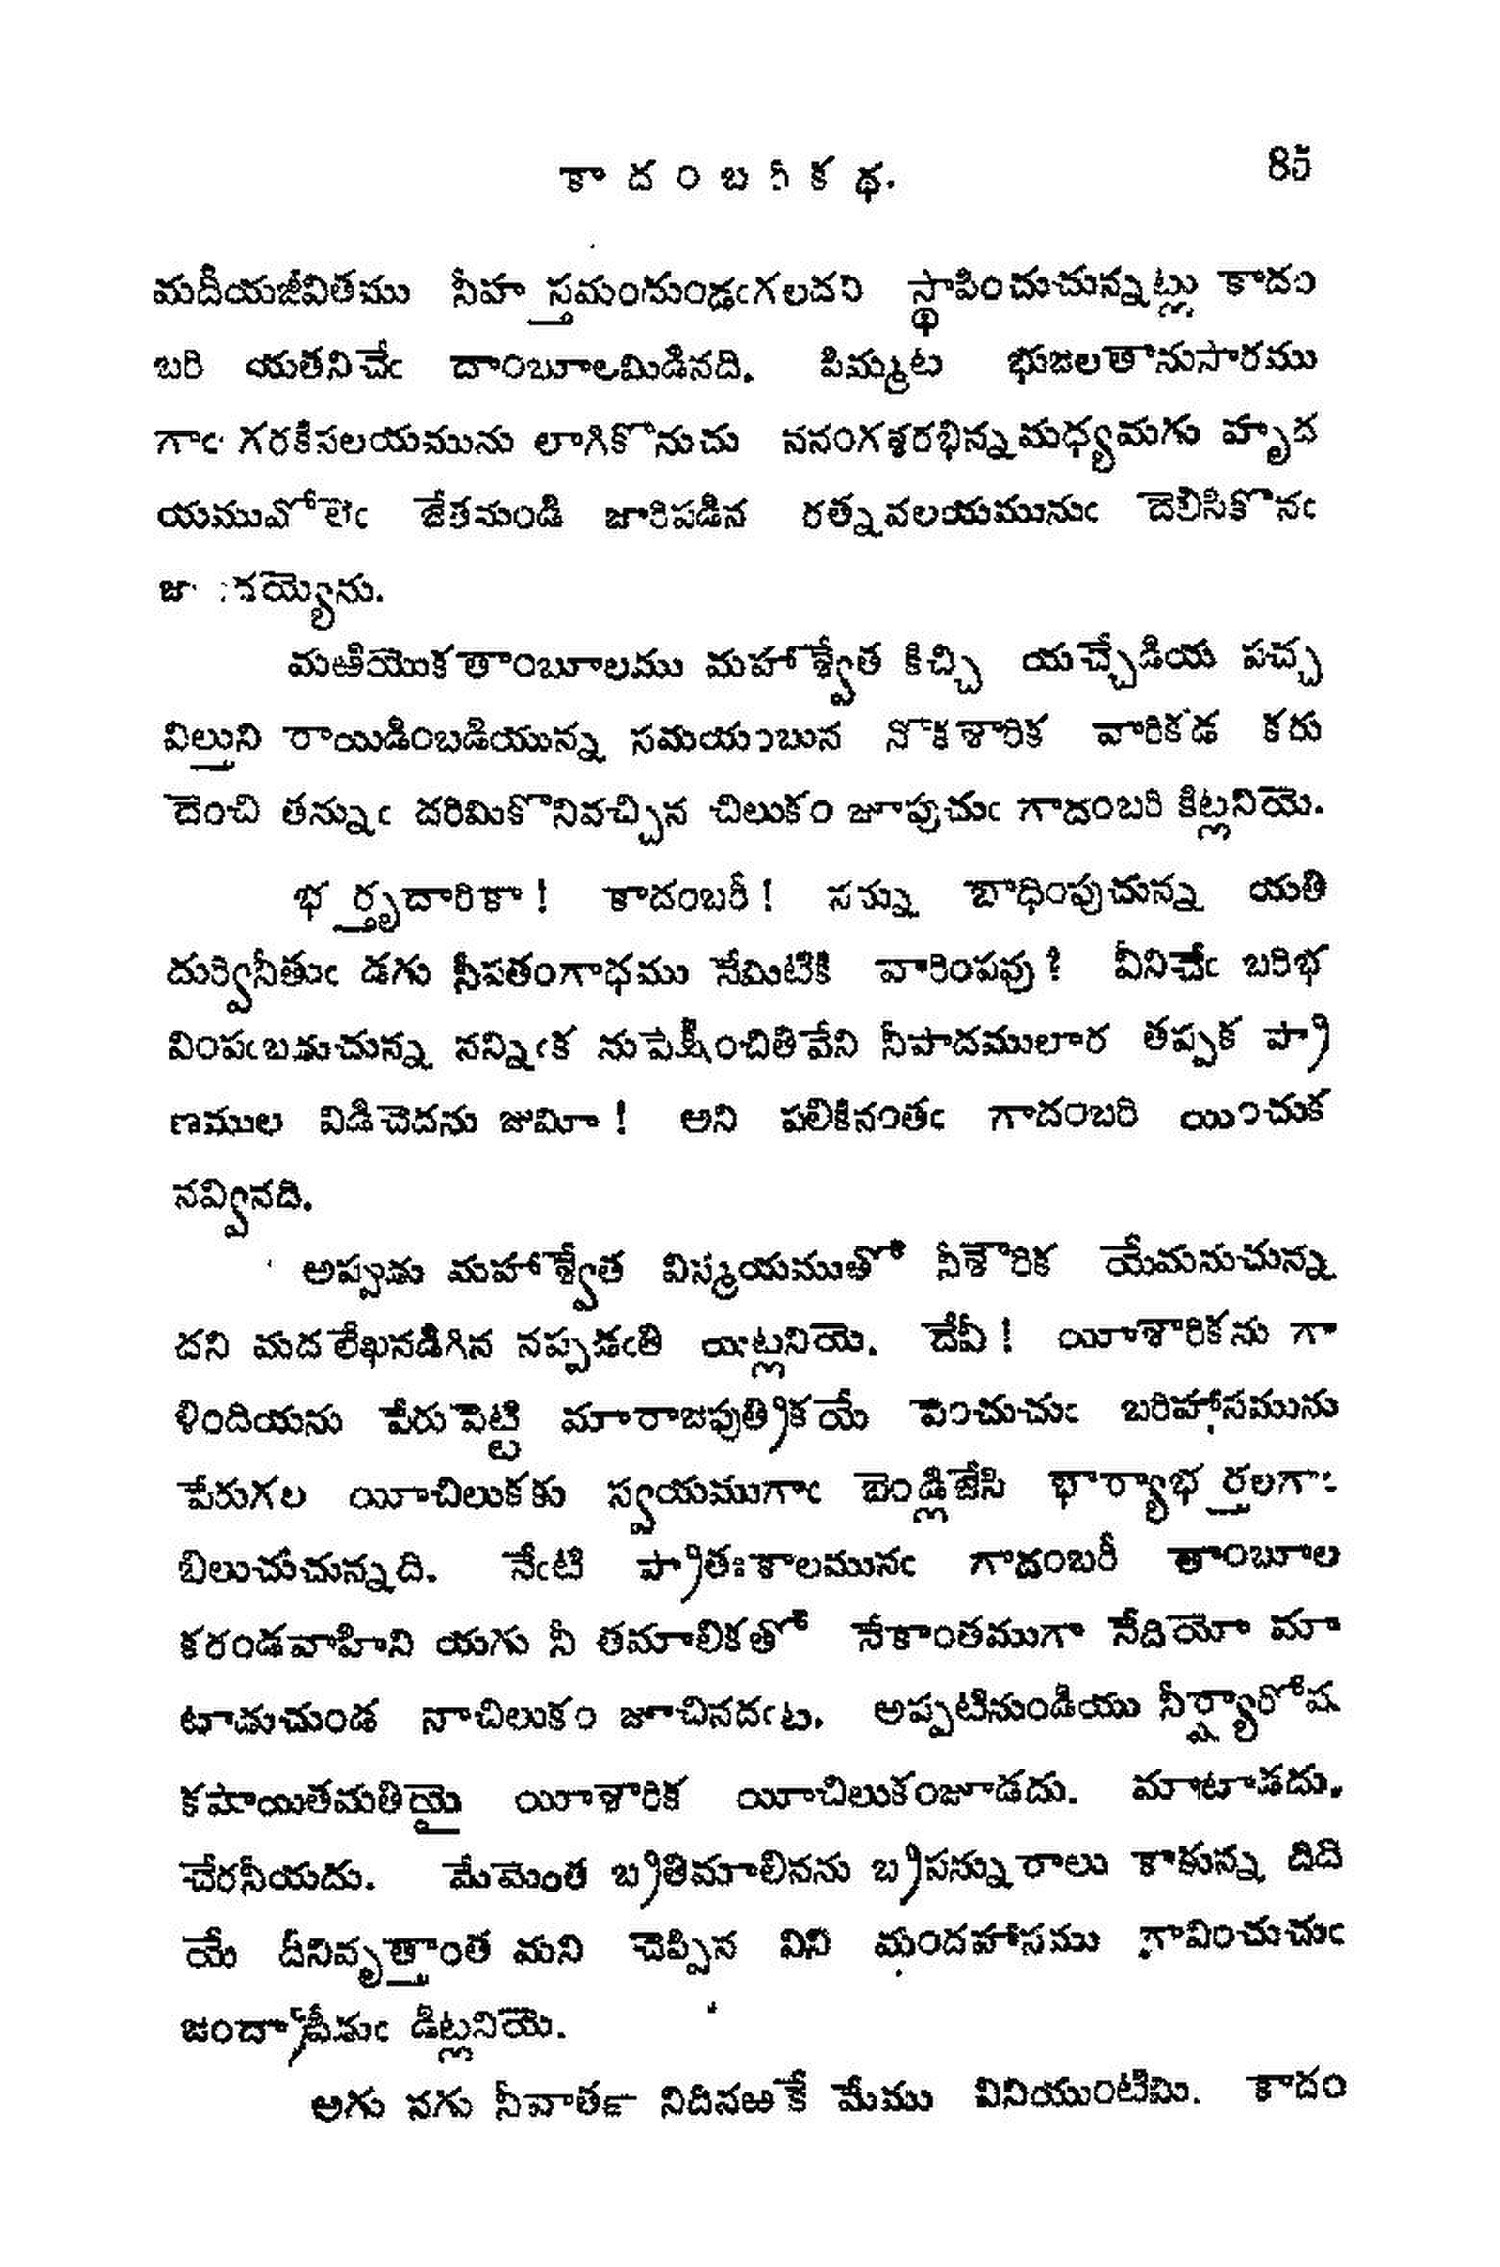మదీయజీవితము నీహస్తమందుండఁగలదని స్థాపించుచున్నట్లు కాదంబరి యతనిచేఁ దాంబూలమిడినది. పిమ్మట భుజలతానుసారముగాఁ గరకిసలయమును లాగికొనుచు ననంగశరభిన్నమధ్యమగు హృదయమువోలెఁ జేతనుండి జారిపడిన రత్నవలయమునుఁ దెలిసికొనఁ జూఁడదయ్యెను.

మఱియొకతాంబూలము మహాశ్వేత కిచ్చి యచ్చేడియ పచ్చ విల్తుని రాయింబడియున్న సమయంబున నొకశారిక వారికడ కరుదెంచి తన్నుఁ దరిమికొనివచ్చిన చిలుకం జూపుచుఁ గాదంబరి కిట్లనియె.

భర్తృదారికా! కాదంబరీ! నన్ను బాధింపుచున్న యతి దుర్వినీతుఁ డగు నీపతంగాధము నేమిటికి వారింపవు? వీనిచేఁ బరిభవింపఁబడుచున్న నన్నిఁక నుపేక్షించితివేని నీపాదములార తప్పక ప్రాణముల విడిచెదను జుమీ! అని పలికినంతఁ గాదంబరి యించుక నవ్వినది.

అప్పుడు మహాశ్వేత విస్మయముతో నీశౌరిక యేమనుచున్నదని మదలేఖనడిగిన నప్పడఁతి యిట్లనియె. దేవీ! యీశారికను గాళిందియను పేరుపెట్టి మారాజపుత్రికయే పెంచుచుఁ బరిహాసమును పేరుగల యీచిలుకకు స్వయముగాఁ బెండ్లిజేసి భార్యాభర్తలగాఁ బిలుచుచున్నది. నేఁటి ప్రాతఃకాలమునఁ గాదంబరీ తాంబూల కరందవాహిని యగు నీ తమాలికతో నేకాంతముగా నేదియో మాటాడుచుండ నాచిలుకం జూచినదఁట. అప్పటినుండియు నీర్ష్యారోష కషాయితమతియై యీశారిక యీచిలుకంజూడదు. మాటాడదు, చేరనీయదు. మేమెంత బ్రతిమాలినను బ్రసన్నురాలు కాకున్న దిదియే దీనివృత్తాంత మని చెప్పిన విని మందహాసము గావించుచుఁ జంద్రాపీడుఁ డిట్లనియె.

అగు నగు నీవాతన్ నిదివఱకే మేము వినియుంటిమి. కాదం